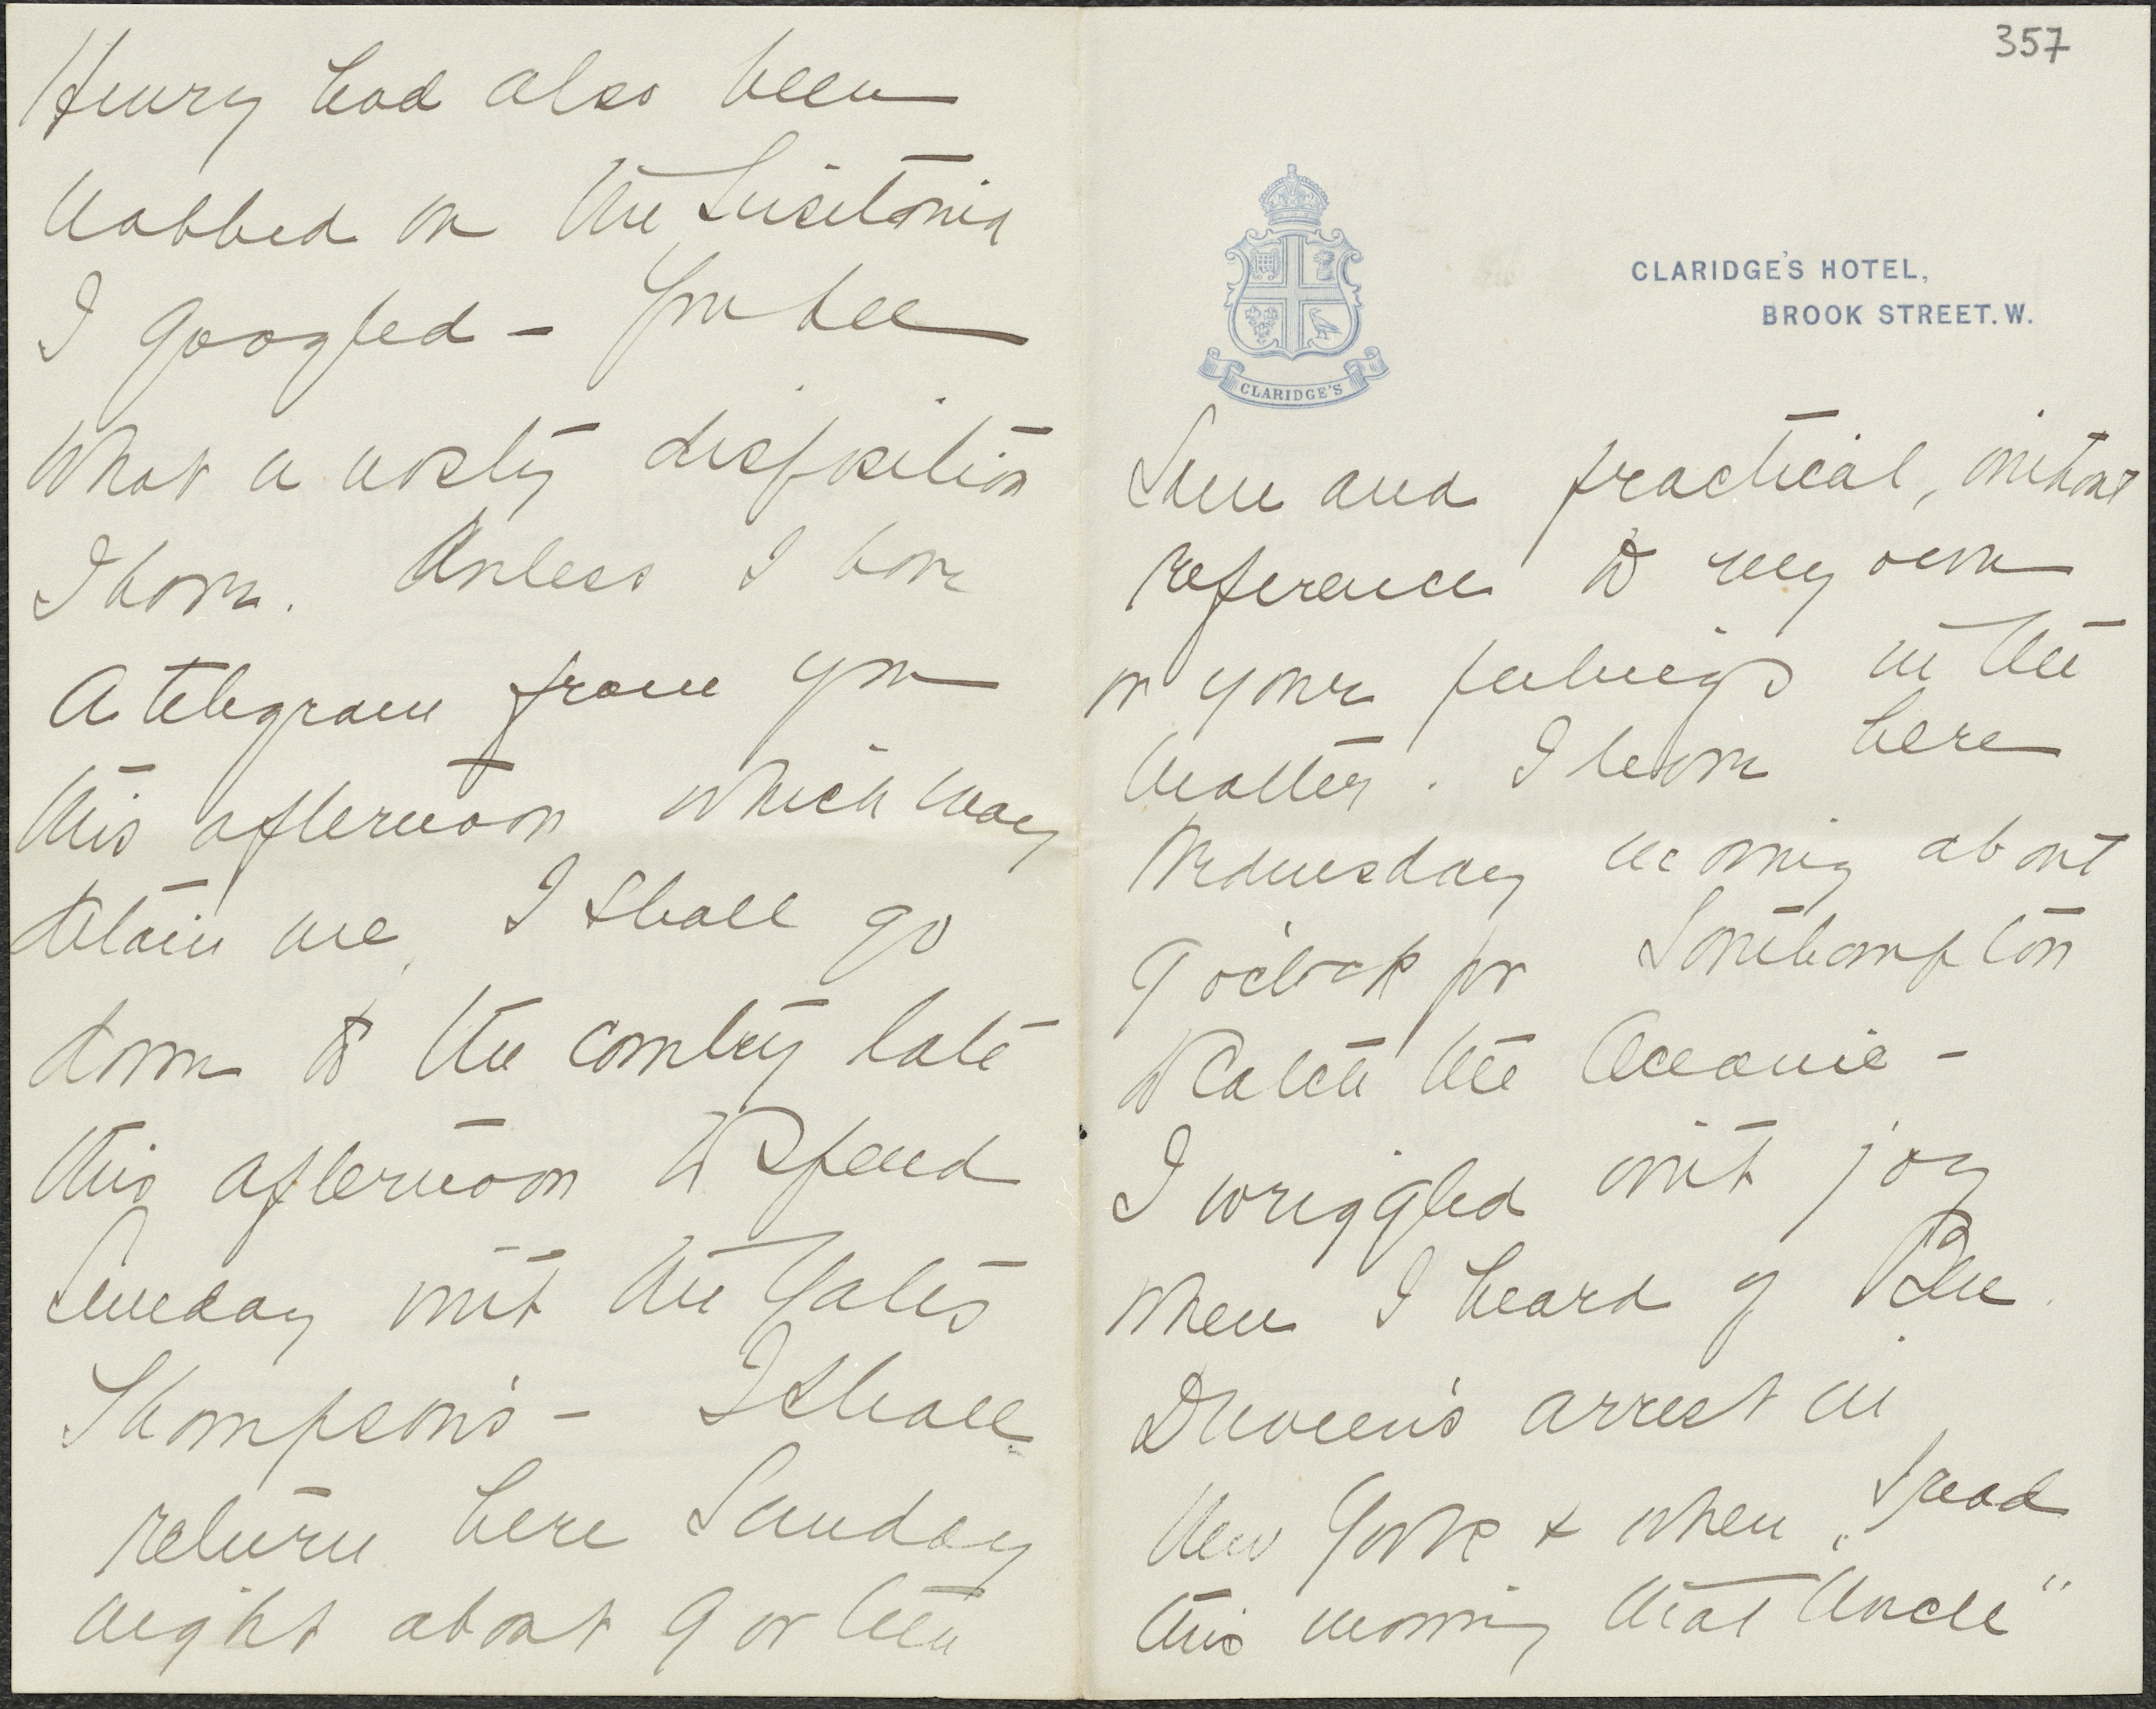Sane and practical, without reference to my own or your feelings in the matter. I leave here Wednesday morning about 9 o’clock for Southampton to catch the Oceanic –
I wriggled with joy when I heard of Ben Duveen’s arrest in New York & when I read this morning that “Uncle”
Henry had also been nabbed on the Lusitania I googled – You see what a nasty disposition I have. Unless I have a telegram from you this afternoon which may detain me I shall go down to the country late this afternoon to spend Sunday with the Yates Thompson’s – I shall return here Sunday night about 9 or ten